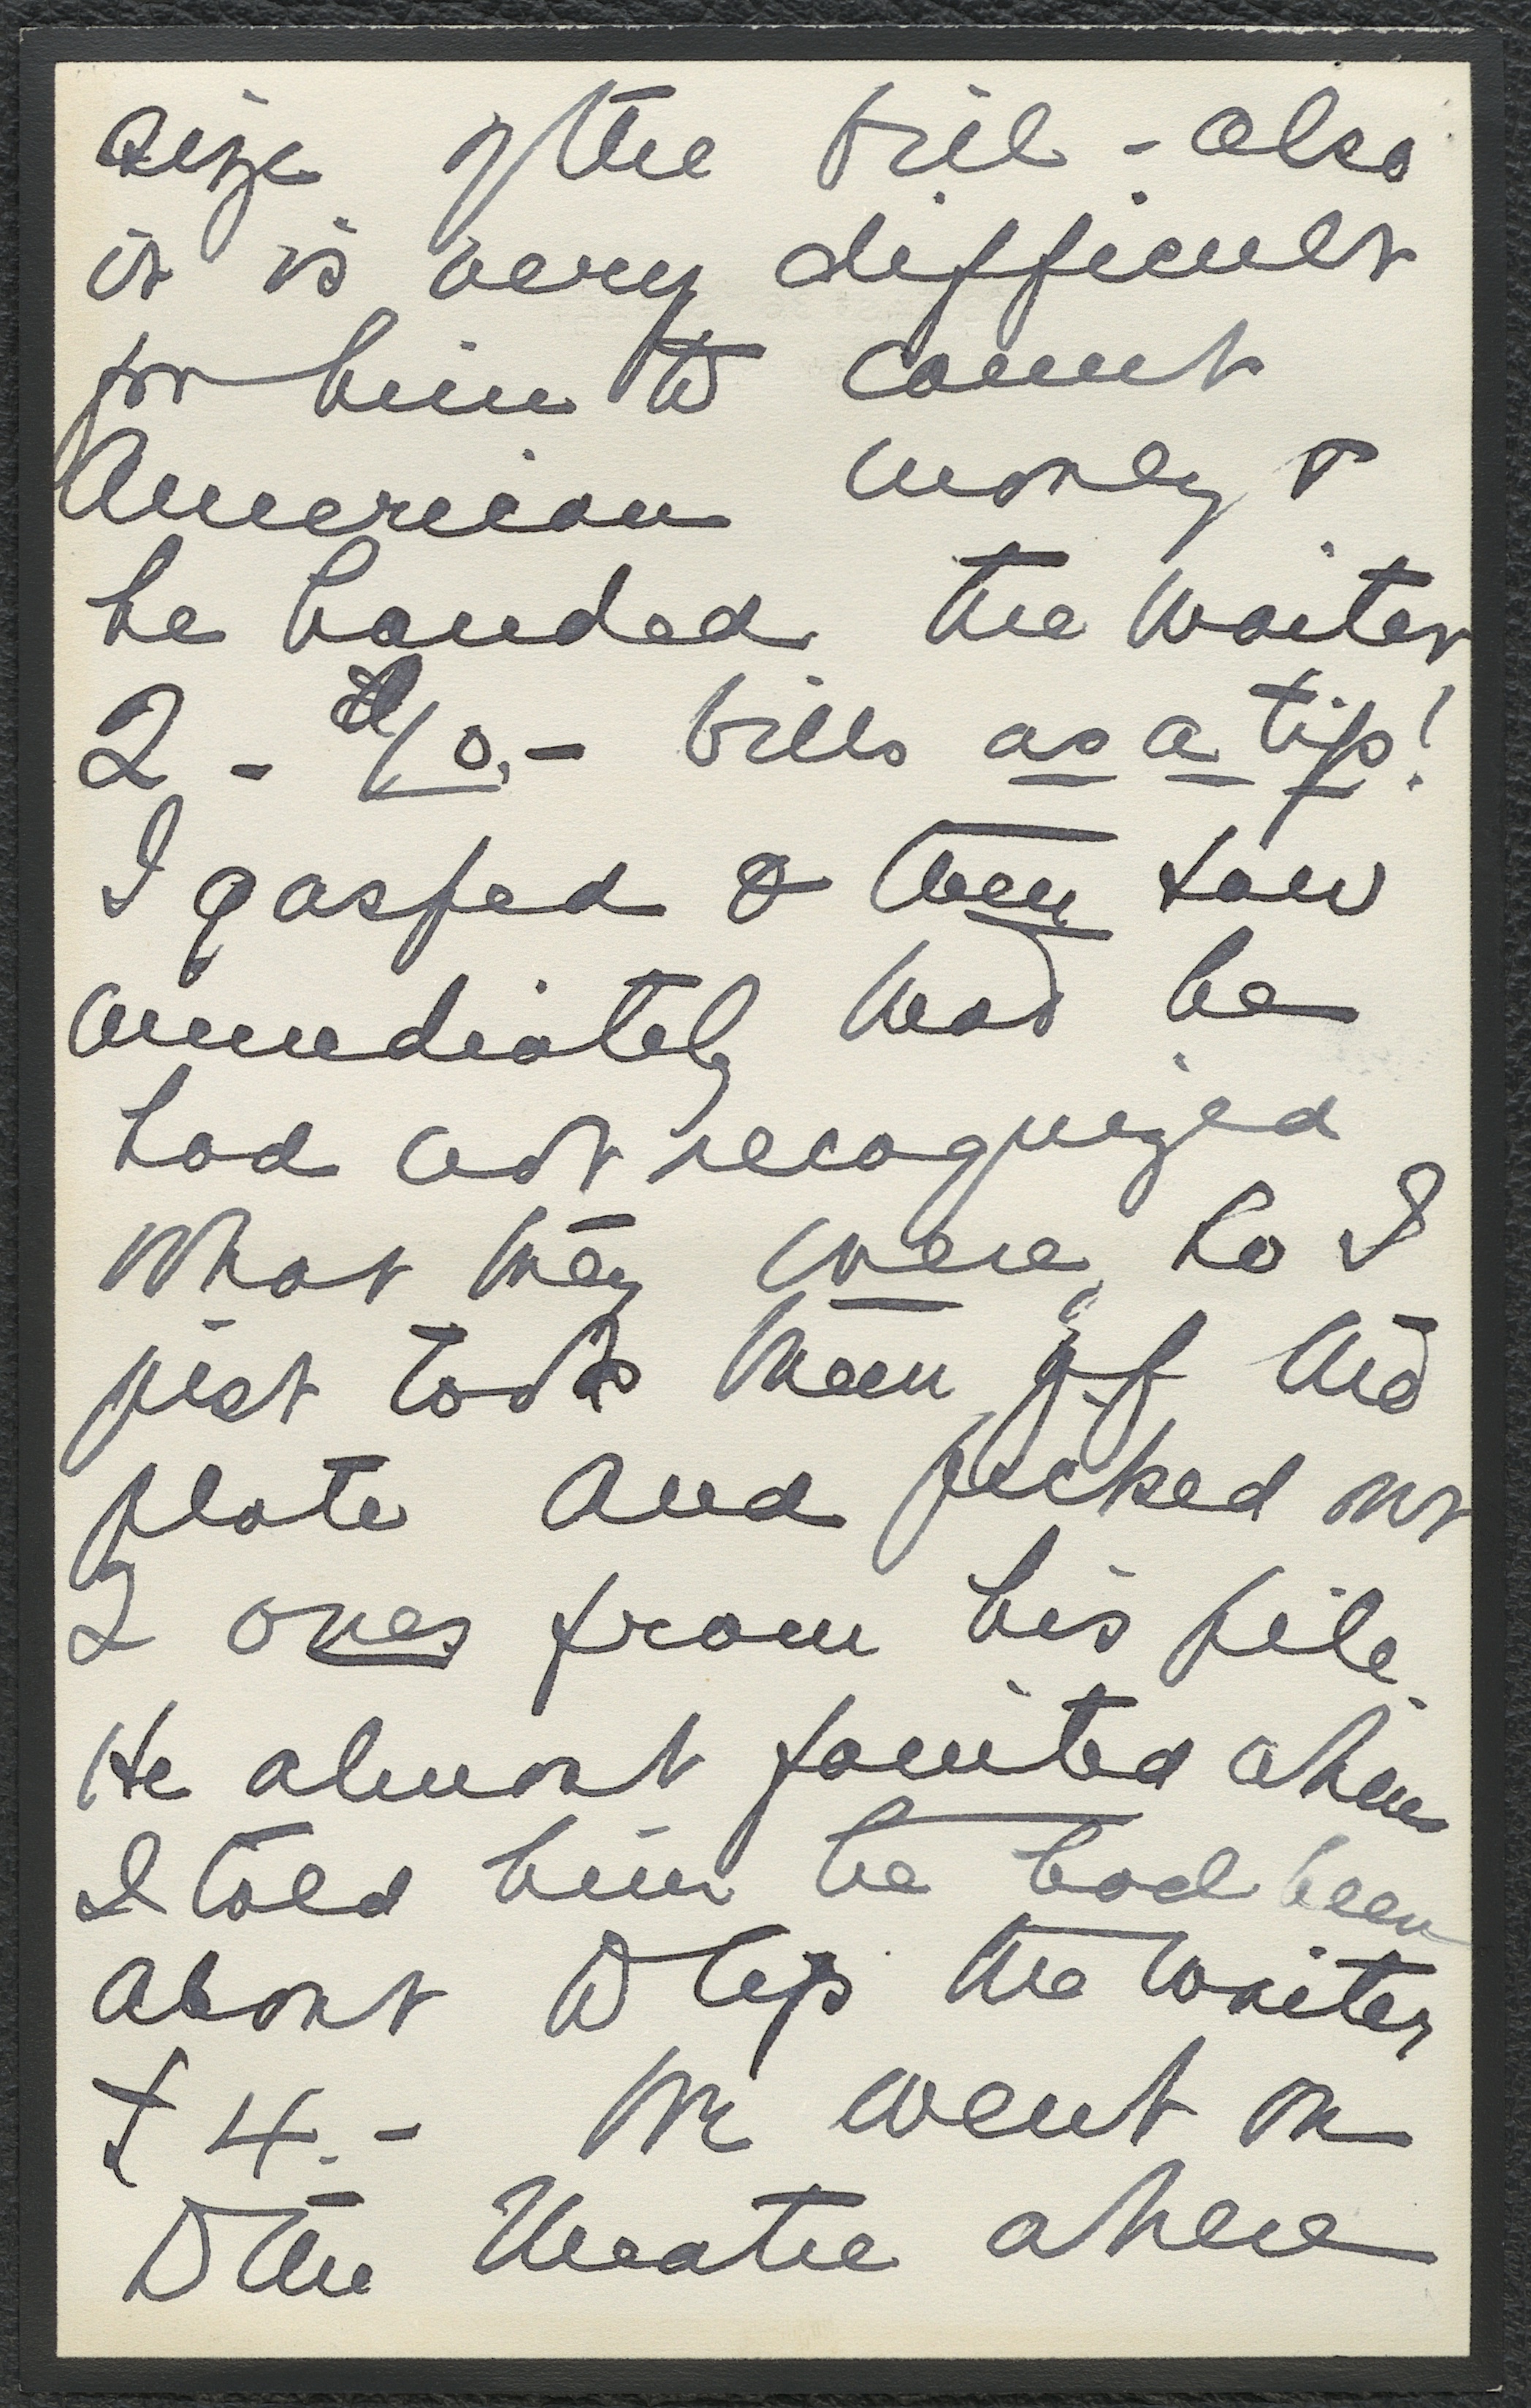size of the bill – also it is very difficult for him to count American money & he handed the waiter 2 – $10 – bills as a tip! I gasped & then saw immediately that he had not recognized what they were so I just took them off the plate and picked out 2 ones from his pile. He almost fainted when I told him he had been about to tip the waiter £4. – We went on to the theatre where